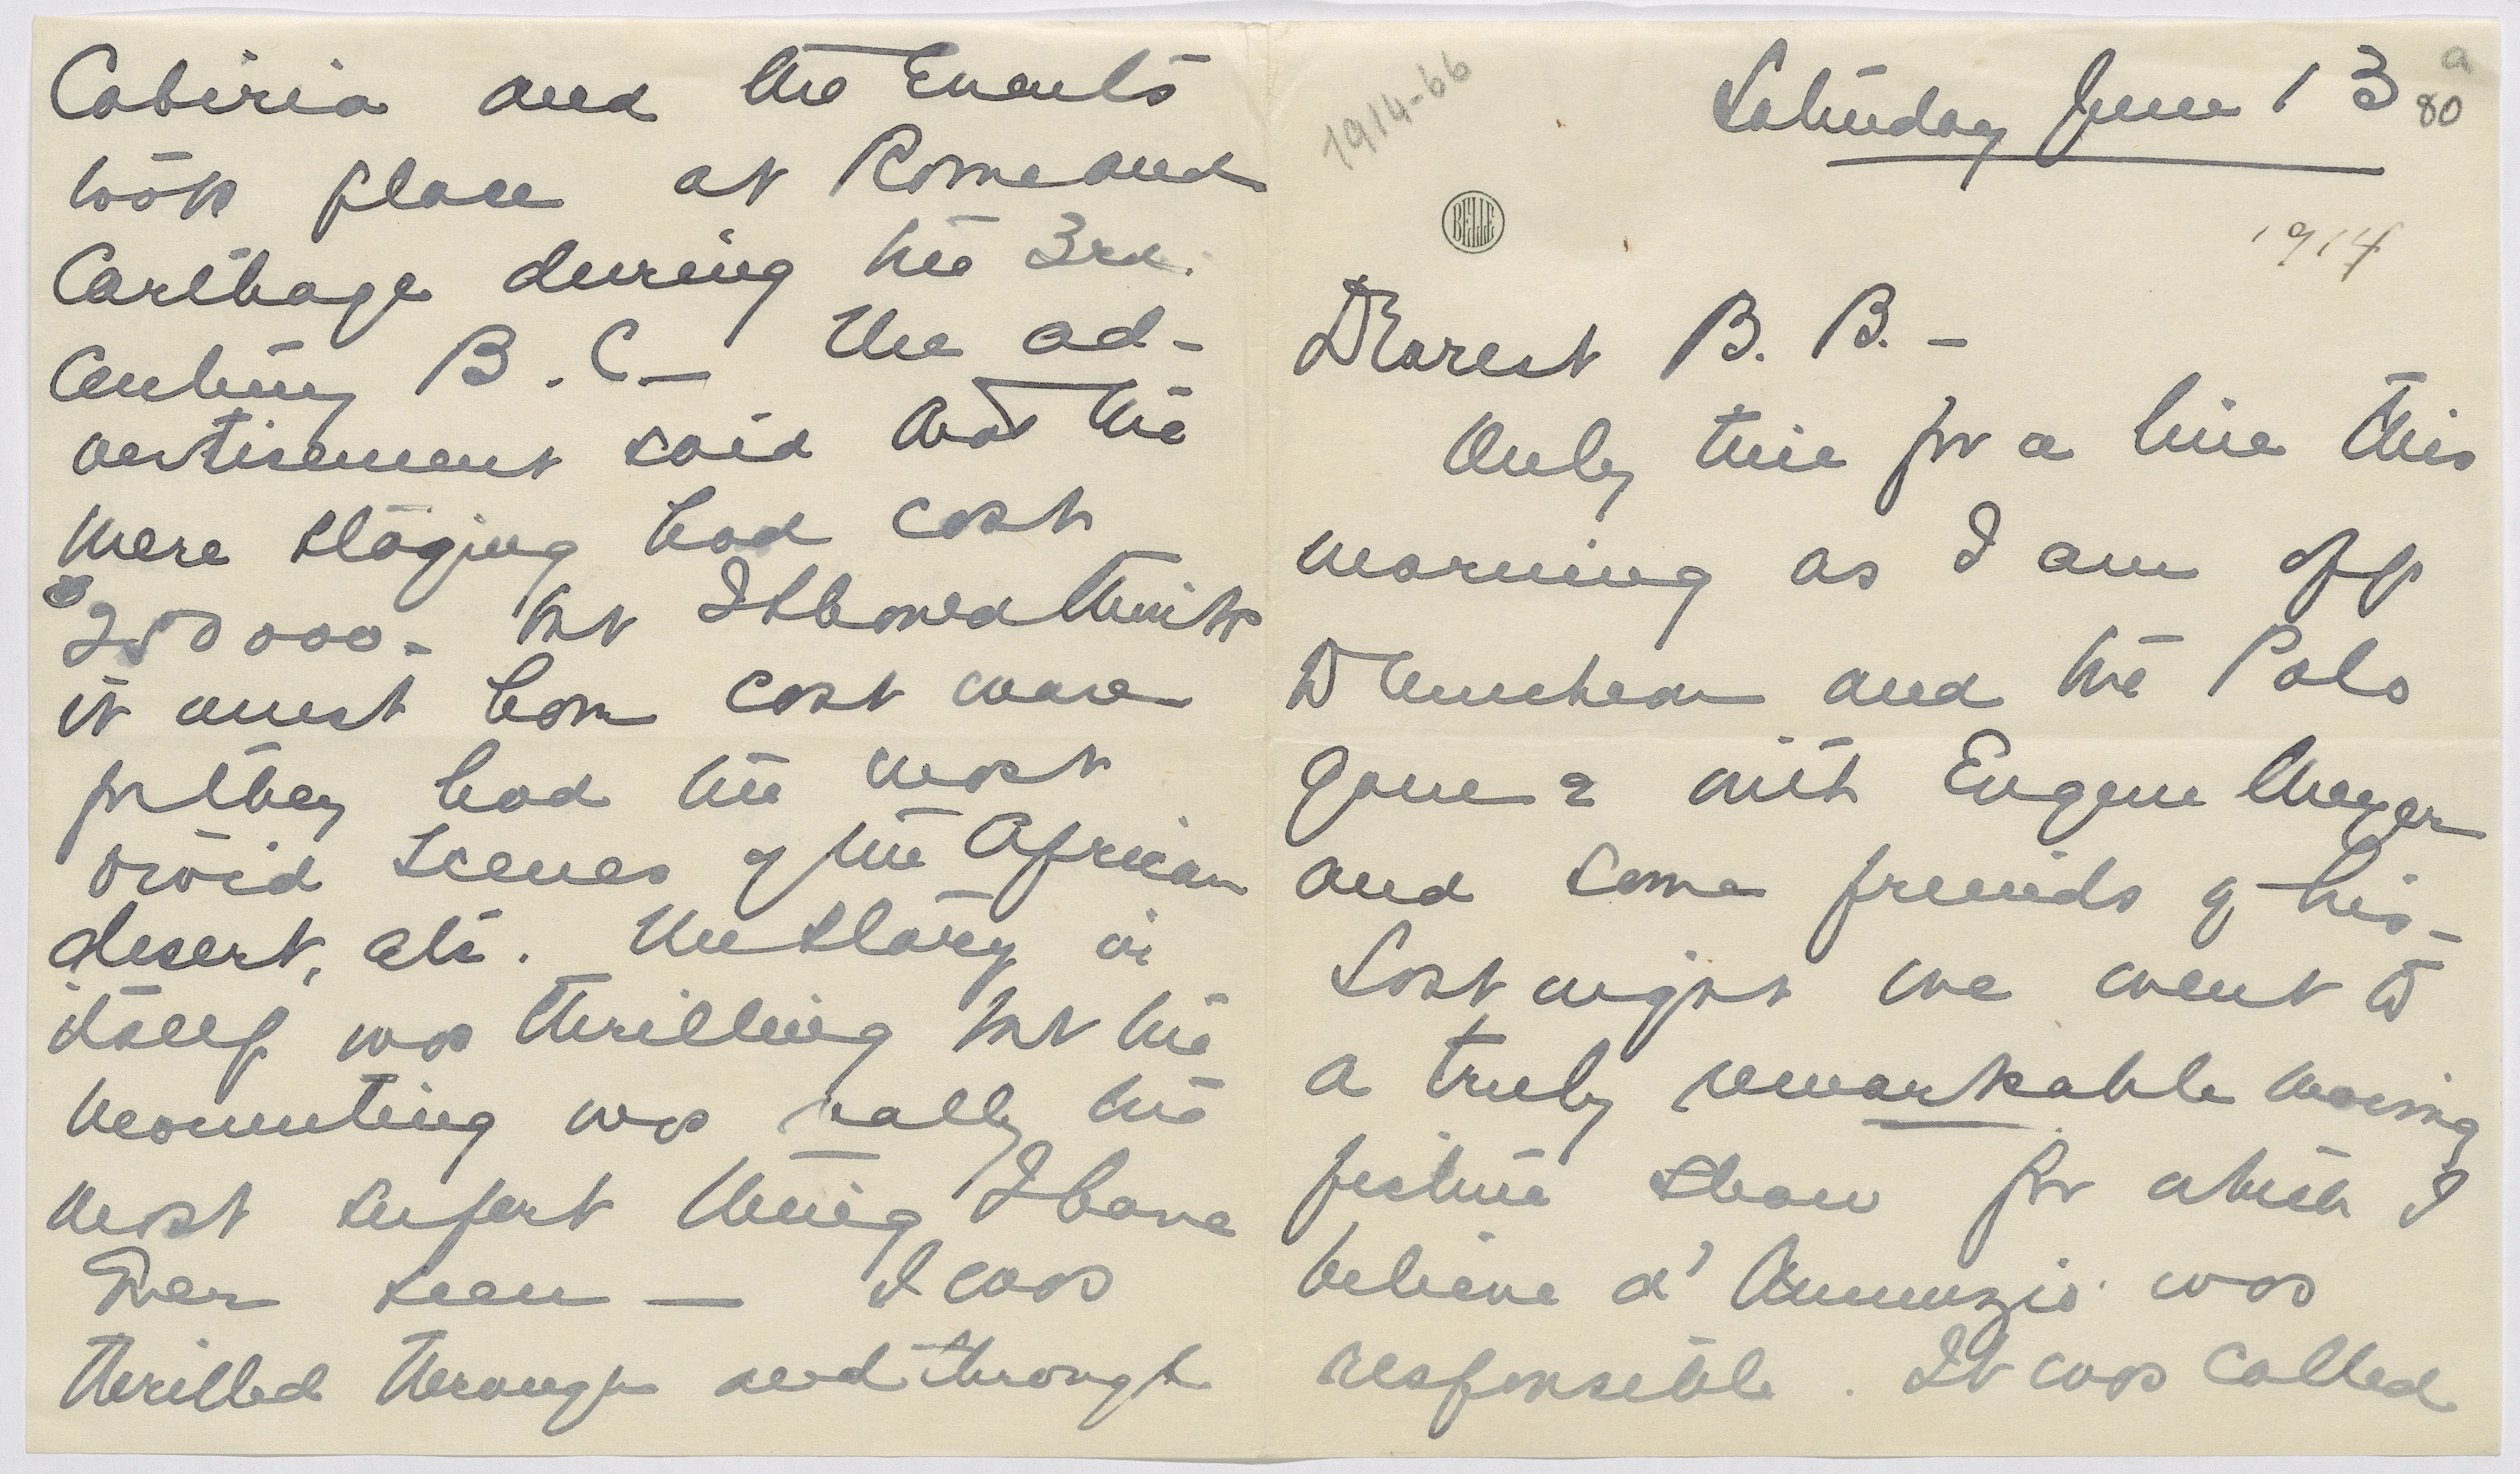Saturday, June 13, 1914
Dearest B. B. –
Only time for a line this morning as I am off to luncheon and the Palo games with Eugene Meyer and some friends of his – Last night we went to a truly remarkable moving picture show for which I believe d’Annunzio was responsible. It was called
Cabiria and the events took place at Rome and Carthage during the 3rd century B. C. – The advertisement said that the mere staging had cost $250000 – but I should think it must have cost more for they had the most vivid scenes of the African desert, etc. The story in itself was thrilling but the mounting was really the most superb thing I have ever seen – I was thrilled through and through